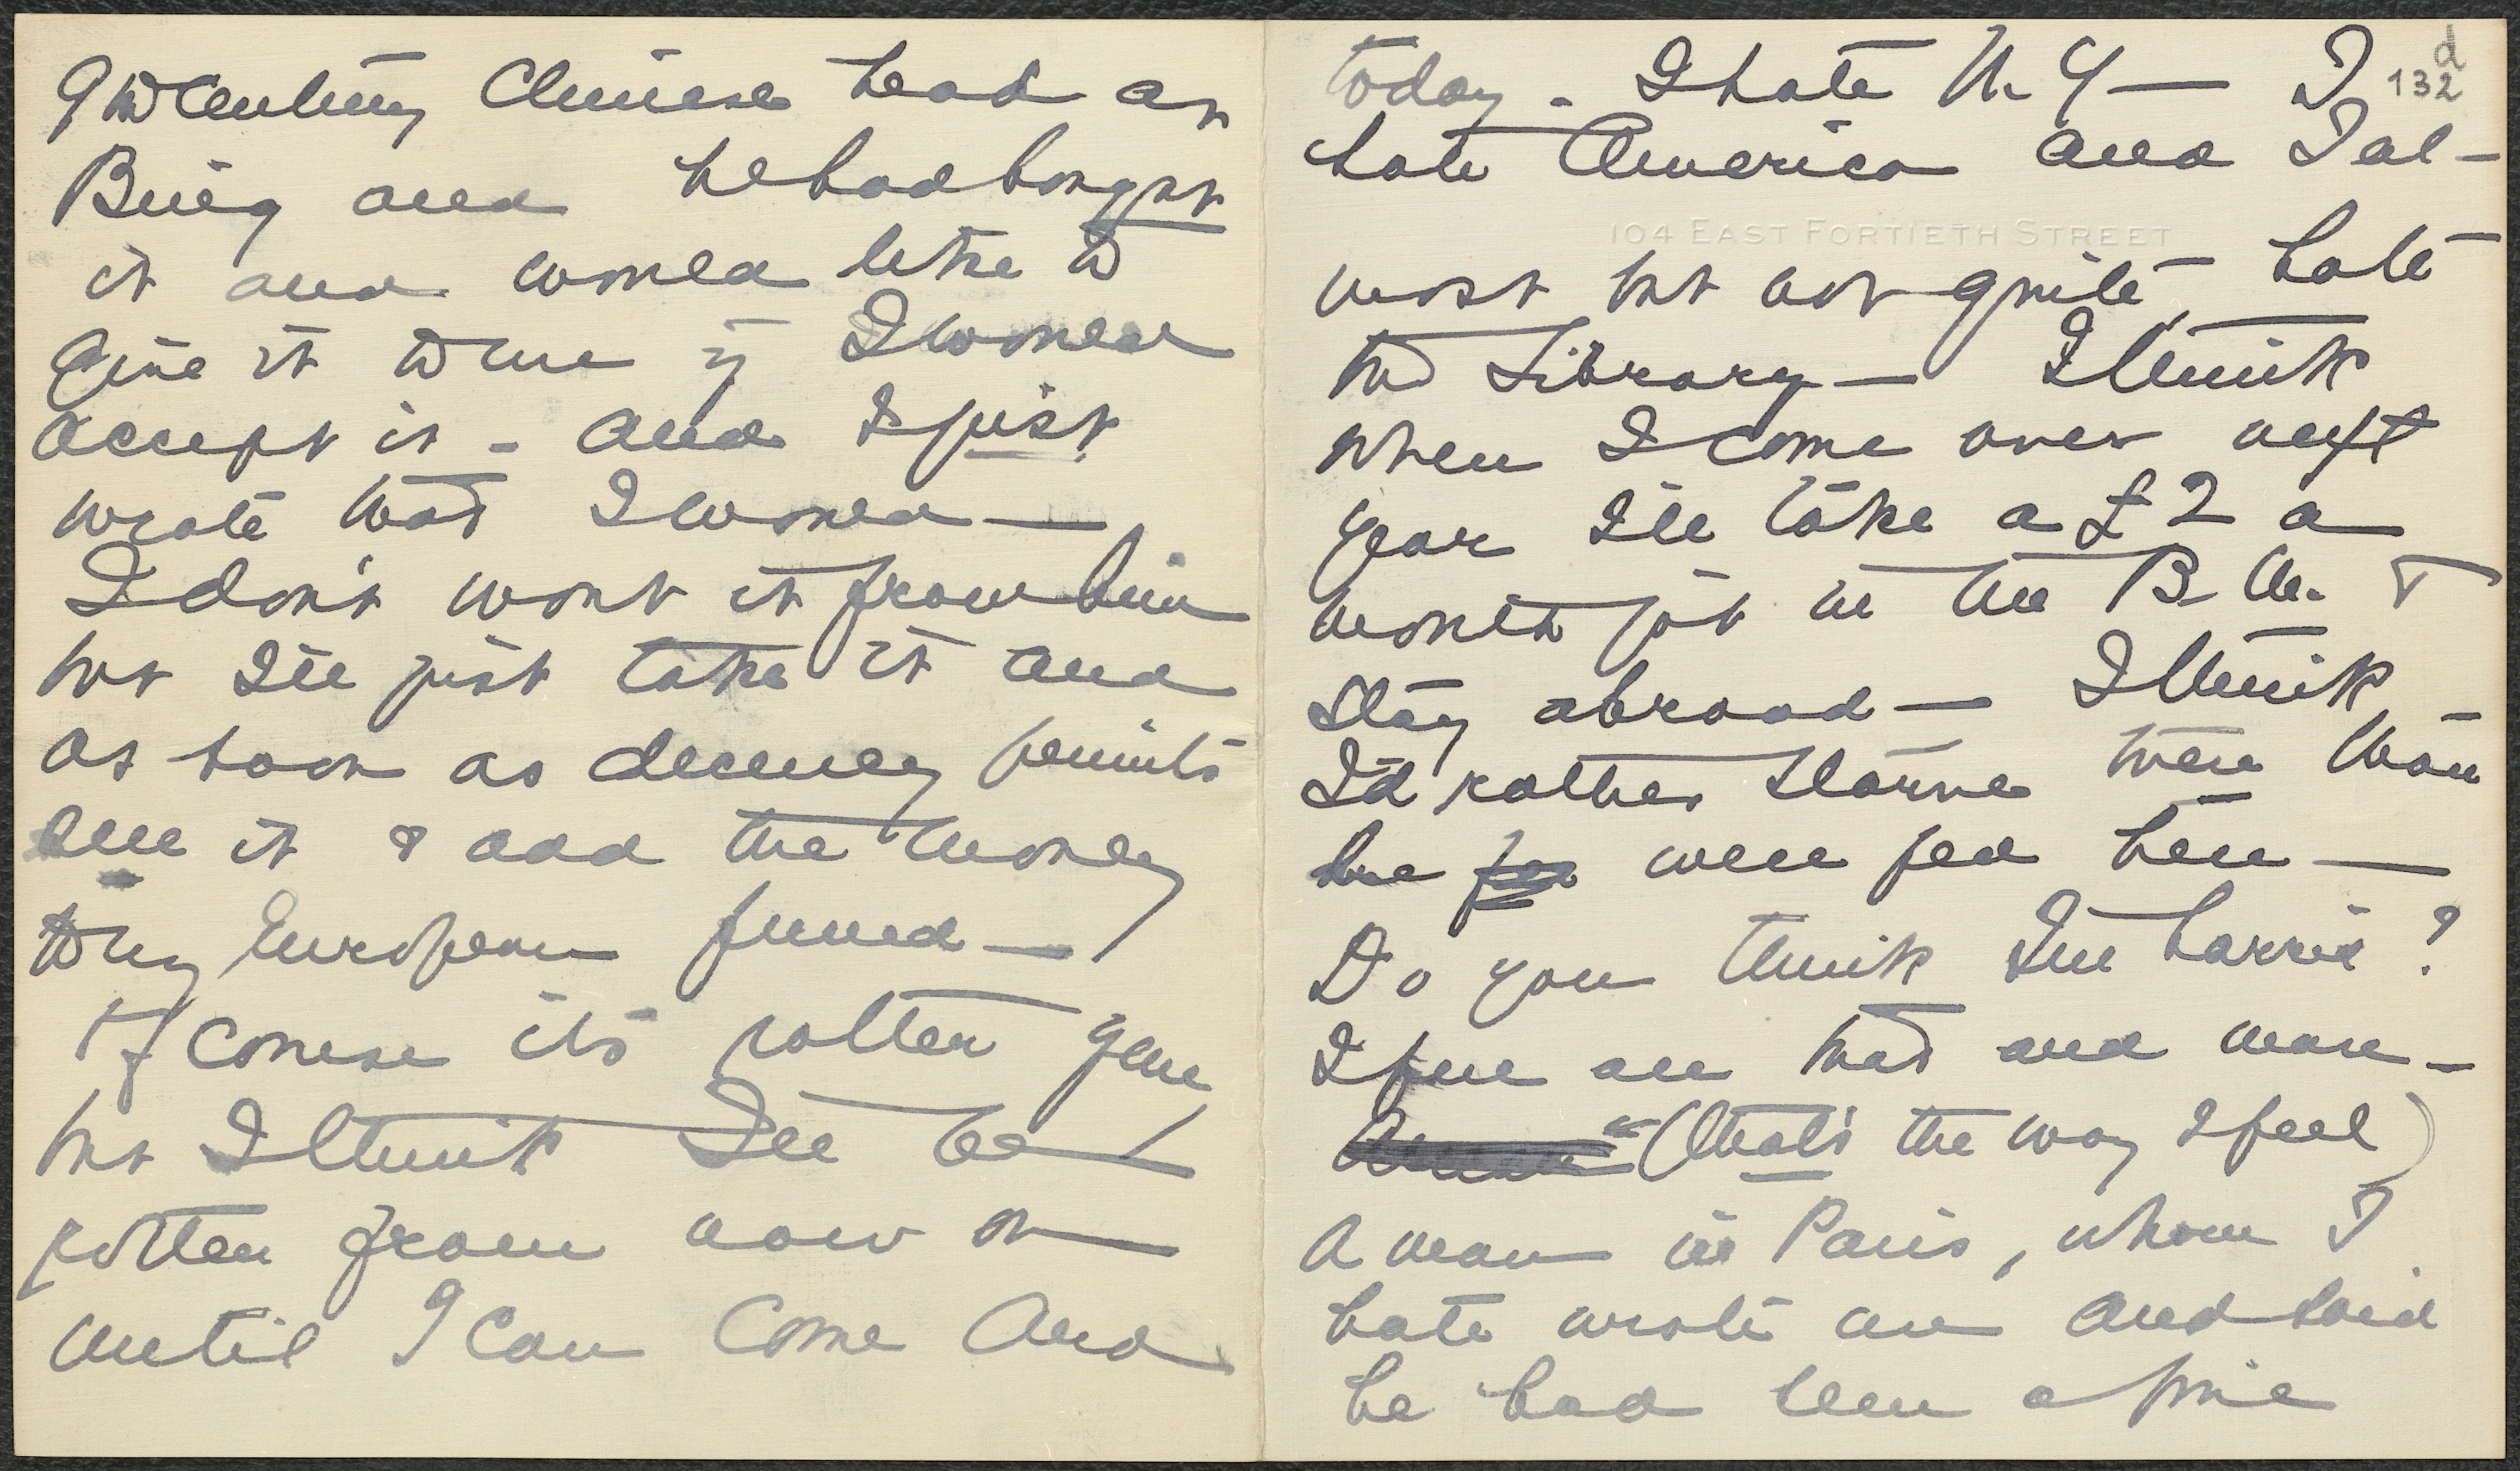today – I hate N.Y – I hate America and I almost but not quite – hate the Library – I think when I come over next year I’ll take a £2 a month job in the B.M. & stay abroad – I think I’d rather starve there than be fe well fed here – Do you think I’m horrid? I feel all that and more – Amen [arrow pointing to deletion] (that’s the way I feel) A man in Paris, whom I hate wrote me and said he had seen a fine
9th century head at Bing and he had bought it and would like to give it to me if I would accept it – and I just wrote that I would – I don’t want it from him but I’ll just take it and as soon as decency permits sell it & add the money to my European fund – of course its [sic] rotten of me but I think I’ll be rotten from now on until I can come and